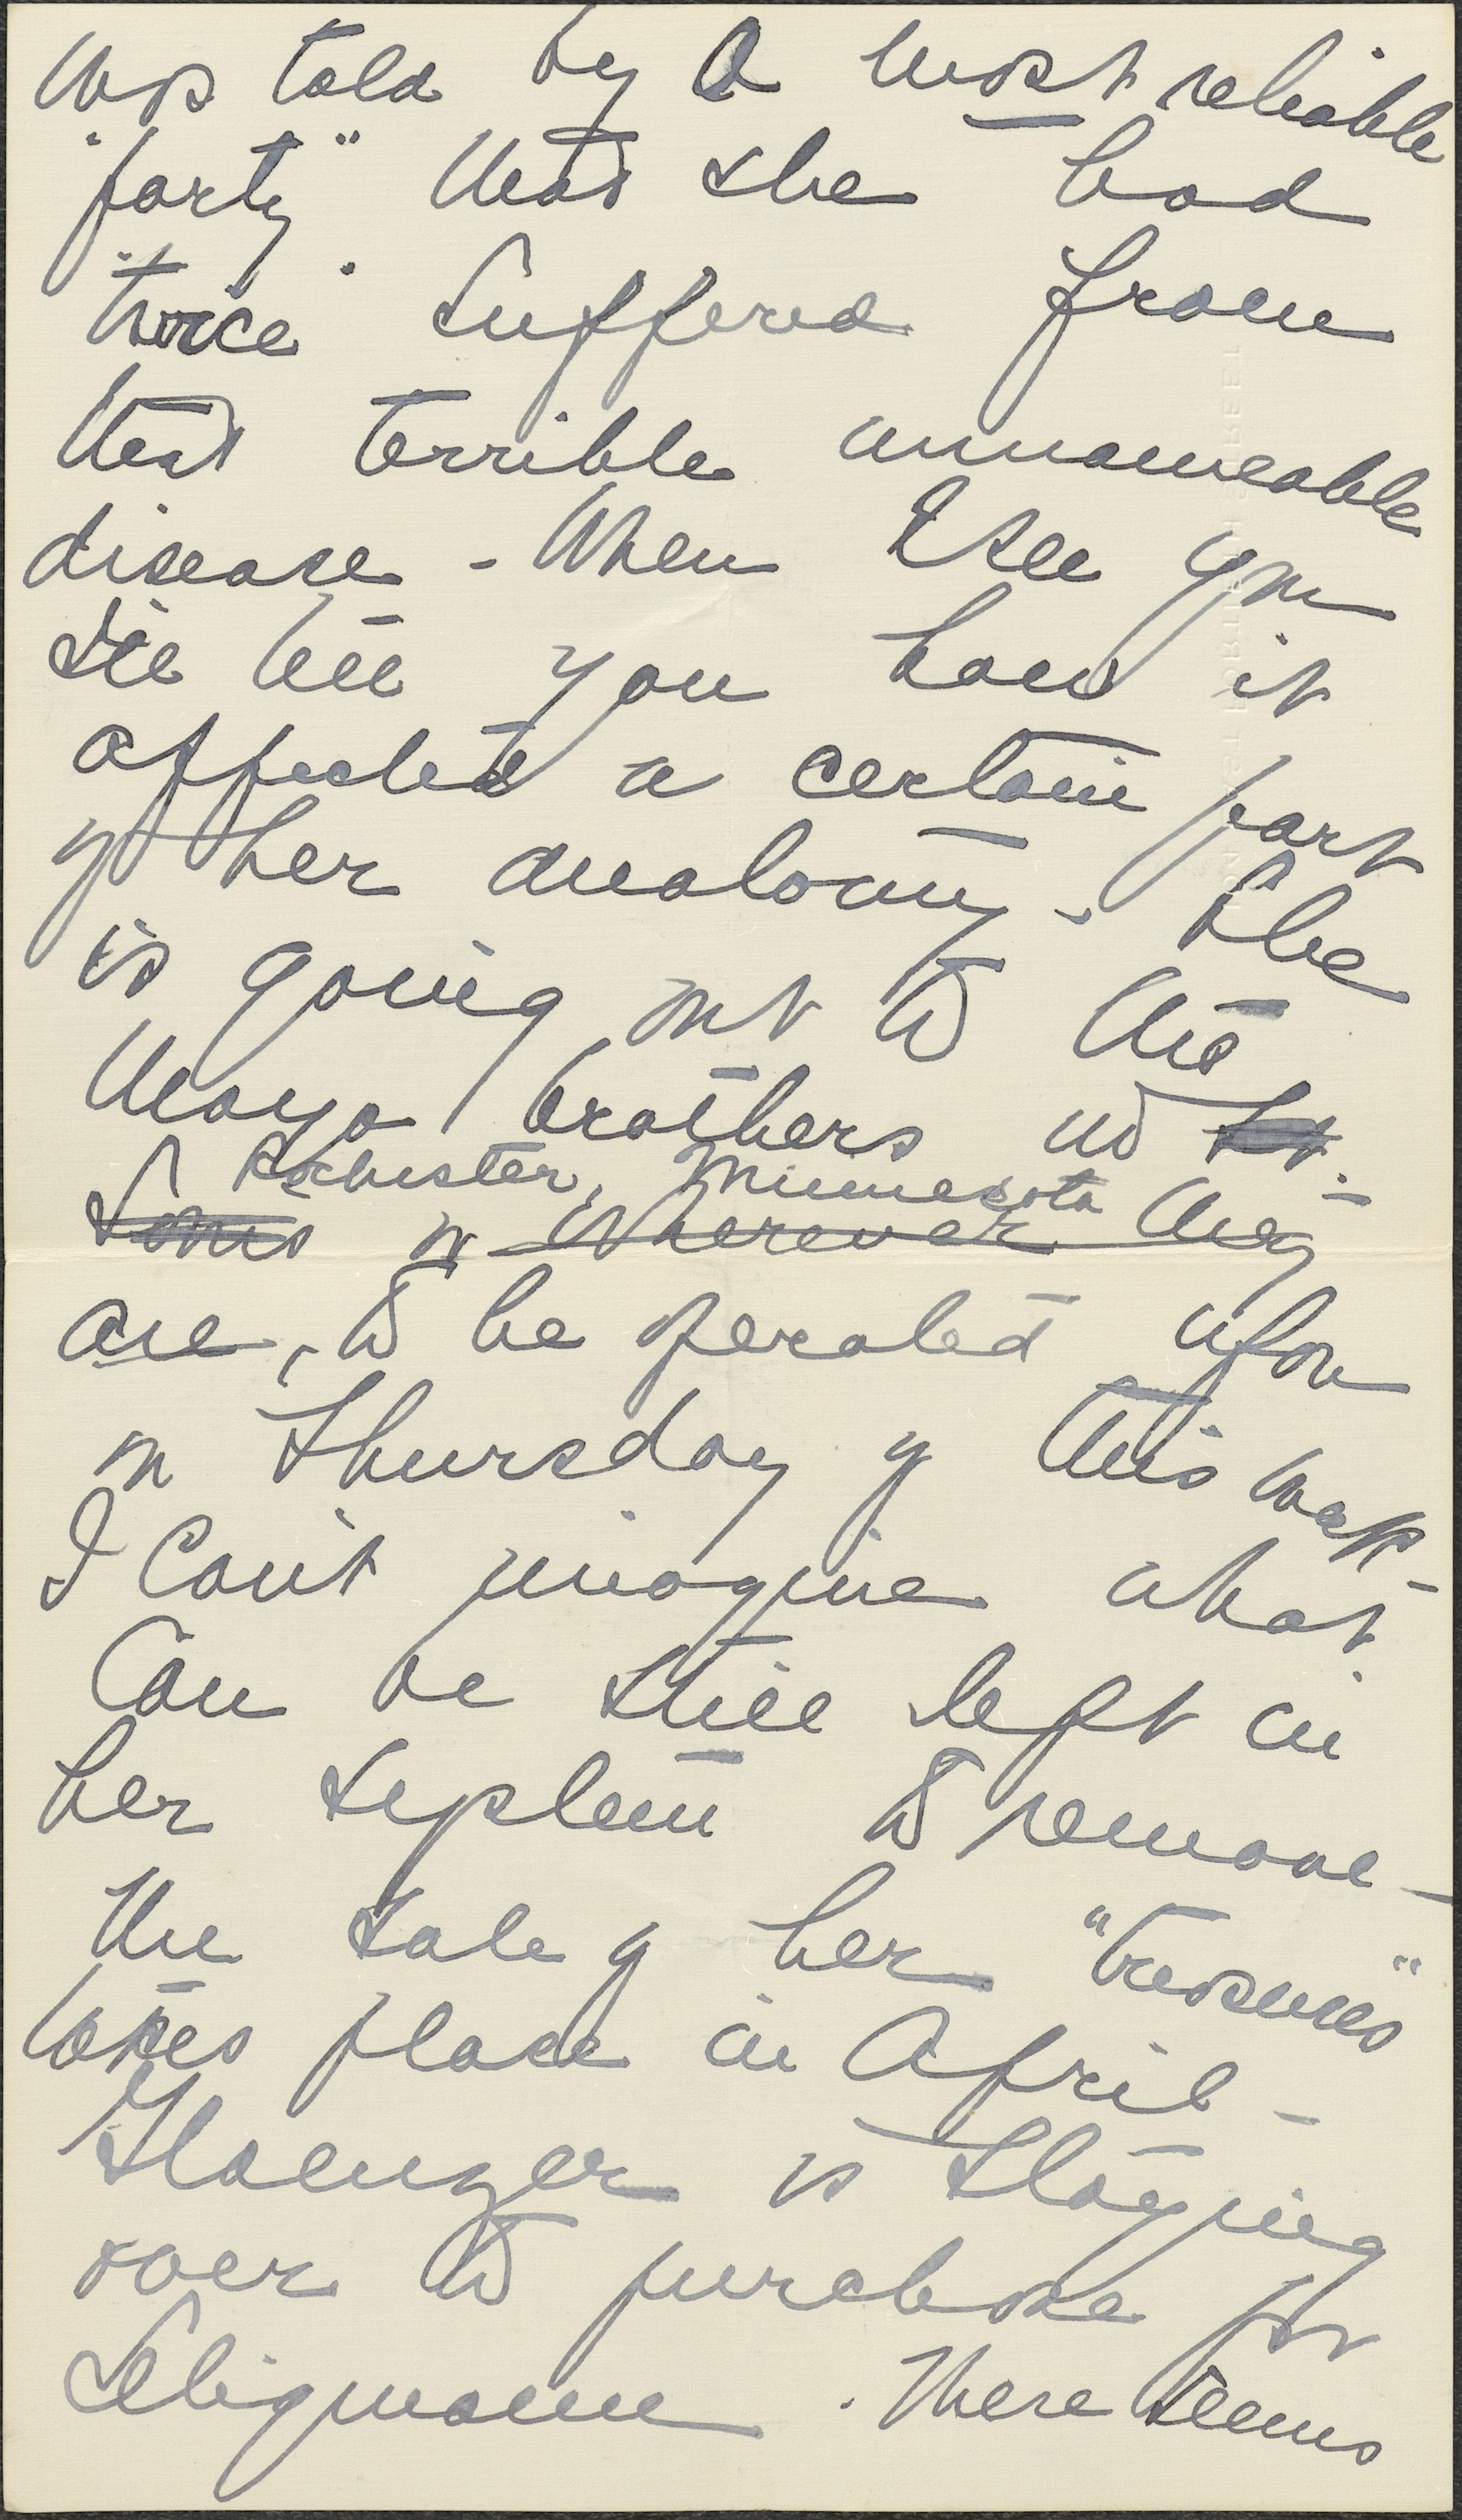was told by a most reliable “party” that she had “twice” suffered from that terrible immeasurable disease – When I see you I’ll tell you how it affected a certain part of her anatomy – She is going out to the Mayo brothers no St James Rochester, Minnesota or wherever they are, to be operated upon on Thursday of this week – I can’t imagine what can be still left in her system to remove – the sale of her “treasures” takes place in April – Glaenzer is staying over to purchase for Seligmann. There seems